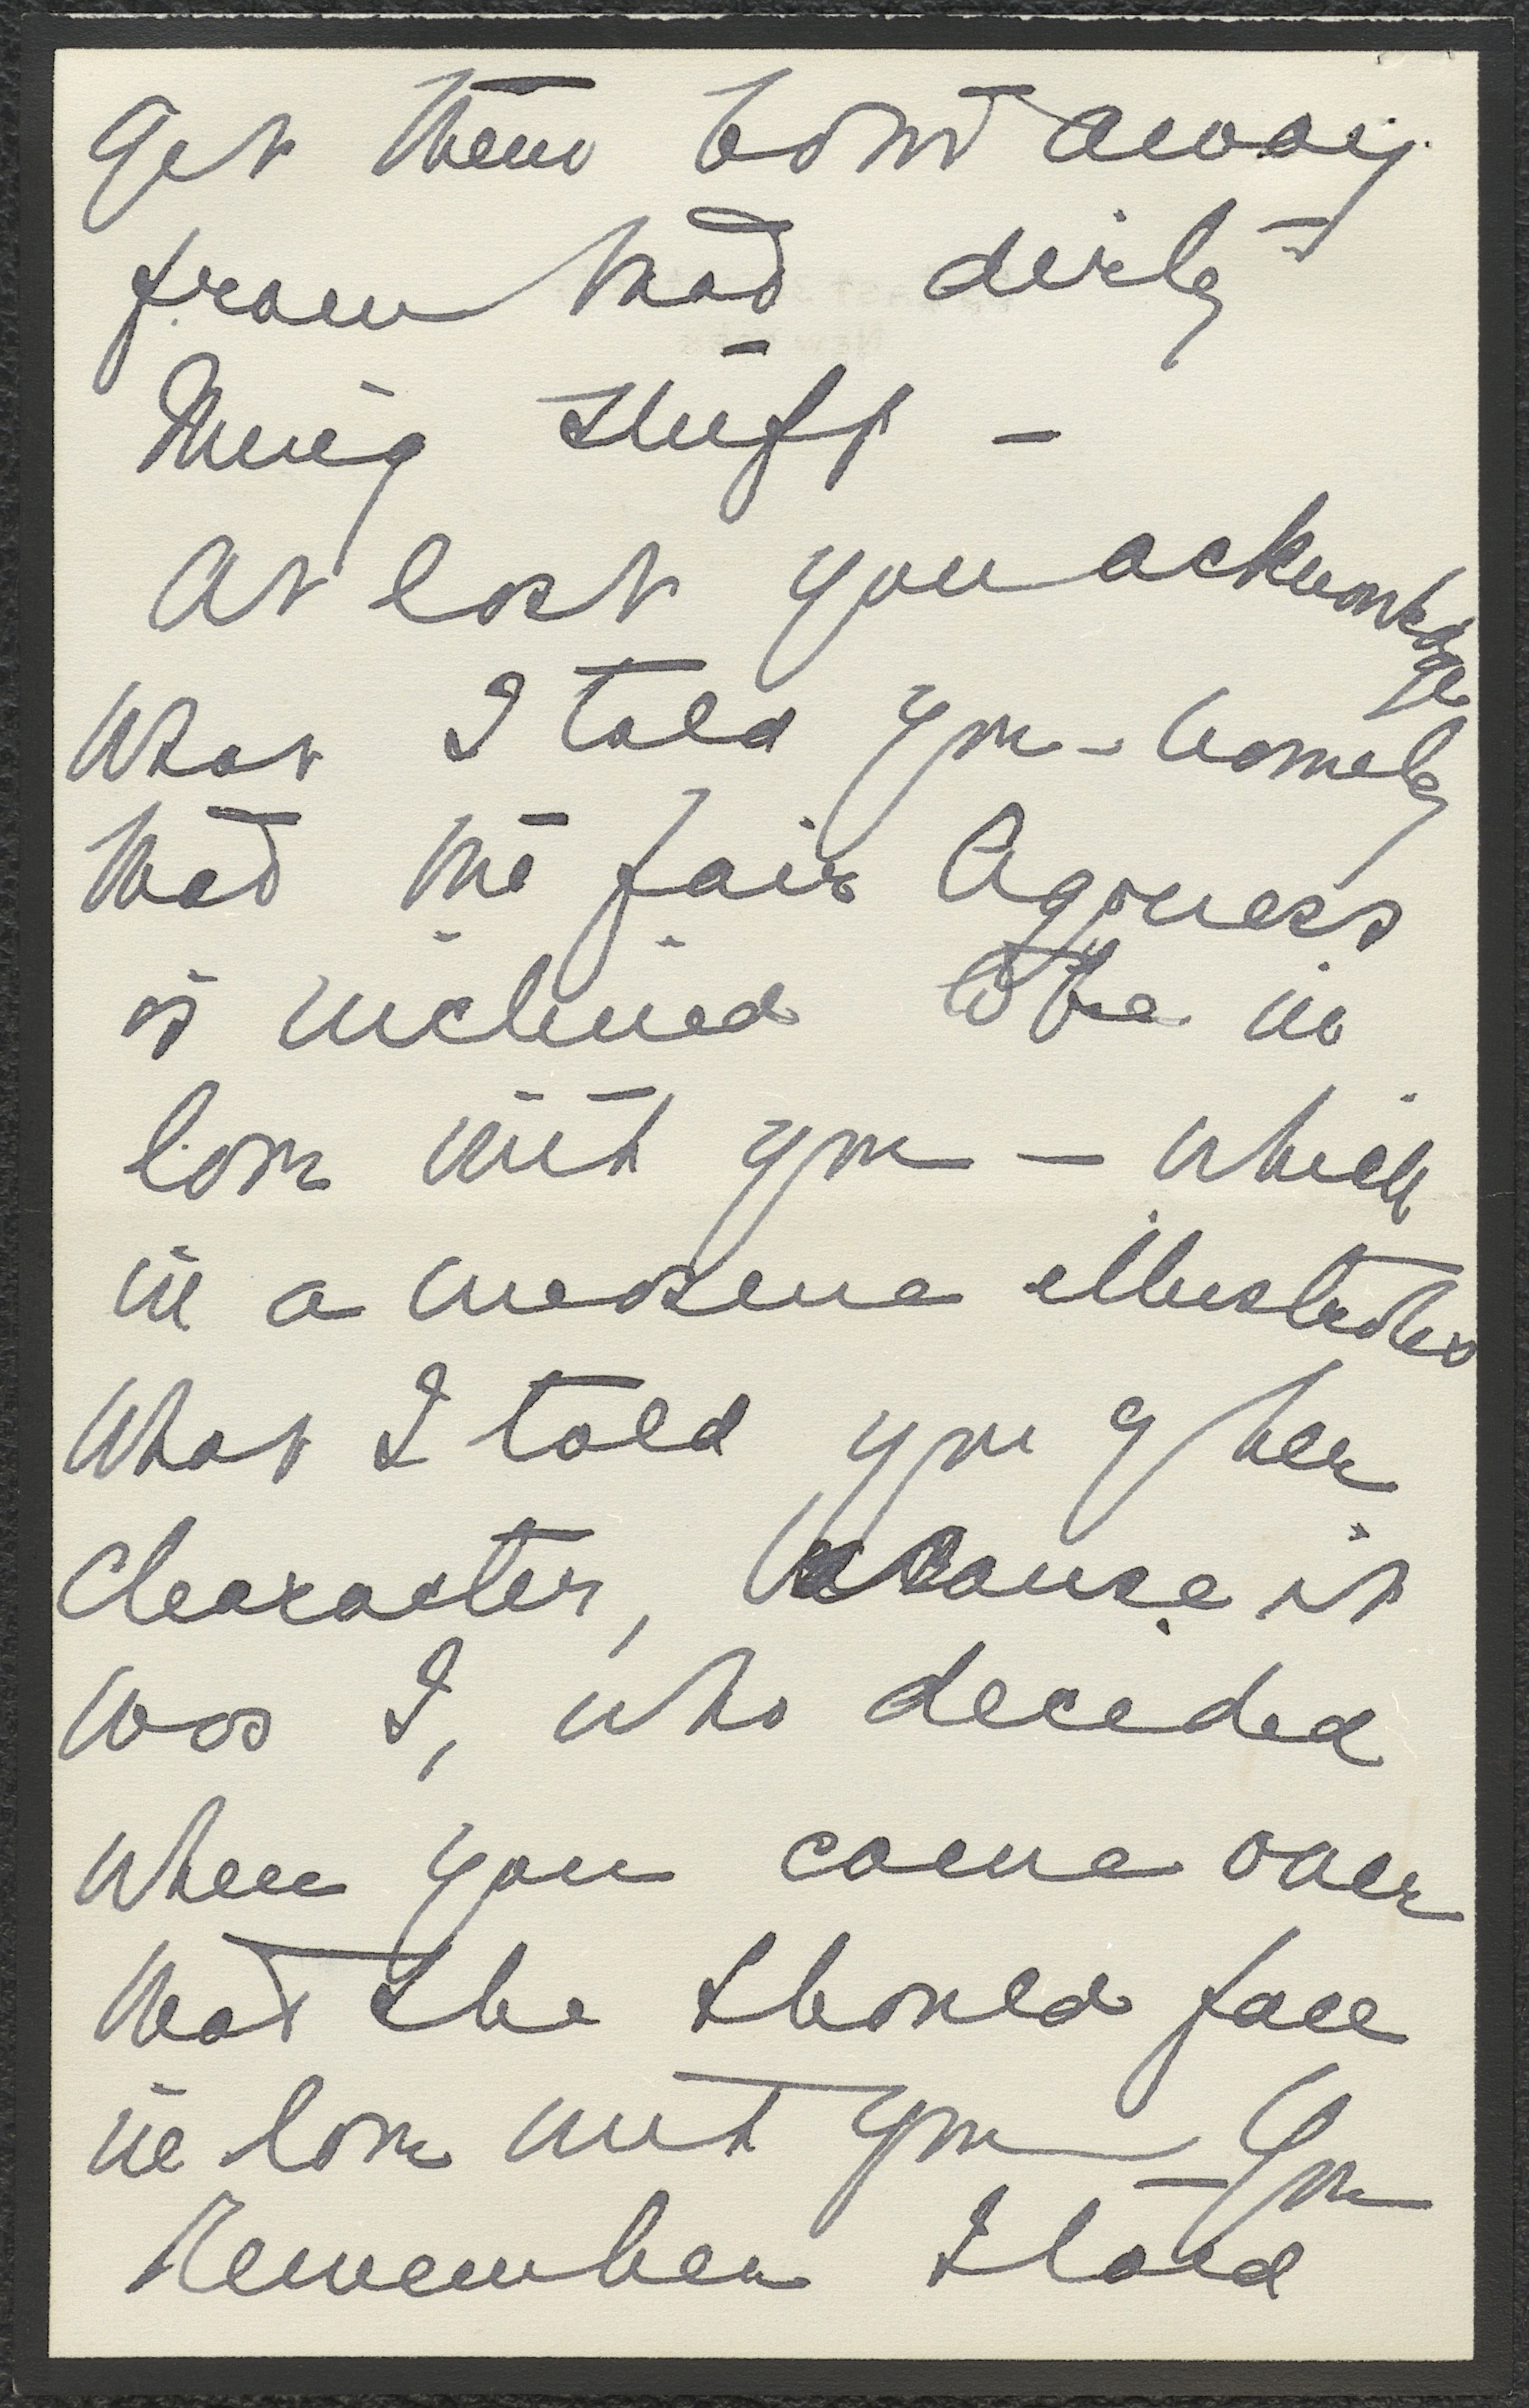get them both away from that dirty Ming stuff –
At last you acknowledge what I told you – namely that the fair Agoness is inclined to be in love with you – which in a measure illustrates what I told you of her character, because it was I, who decided when you came over that she should fall in love with you – You remember I told